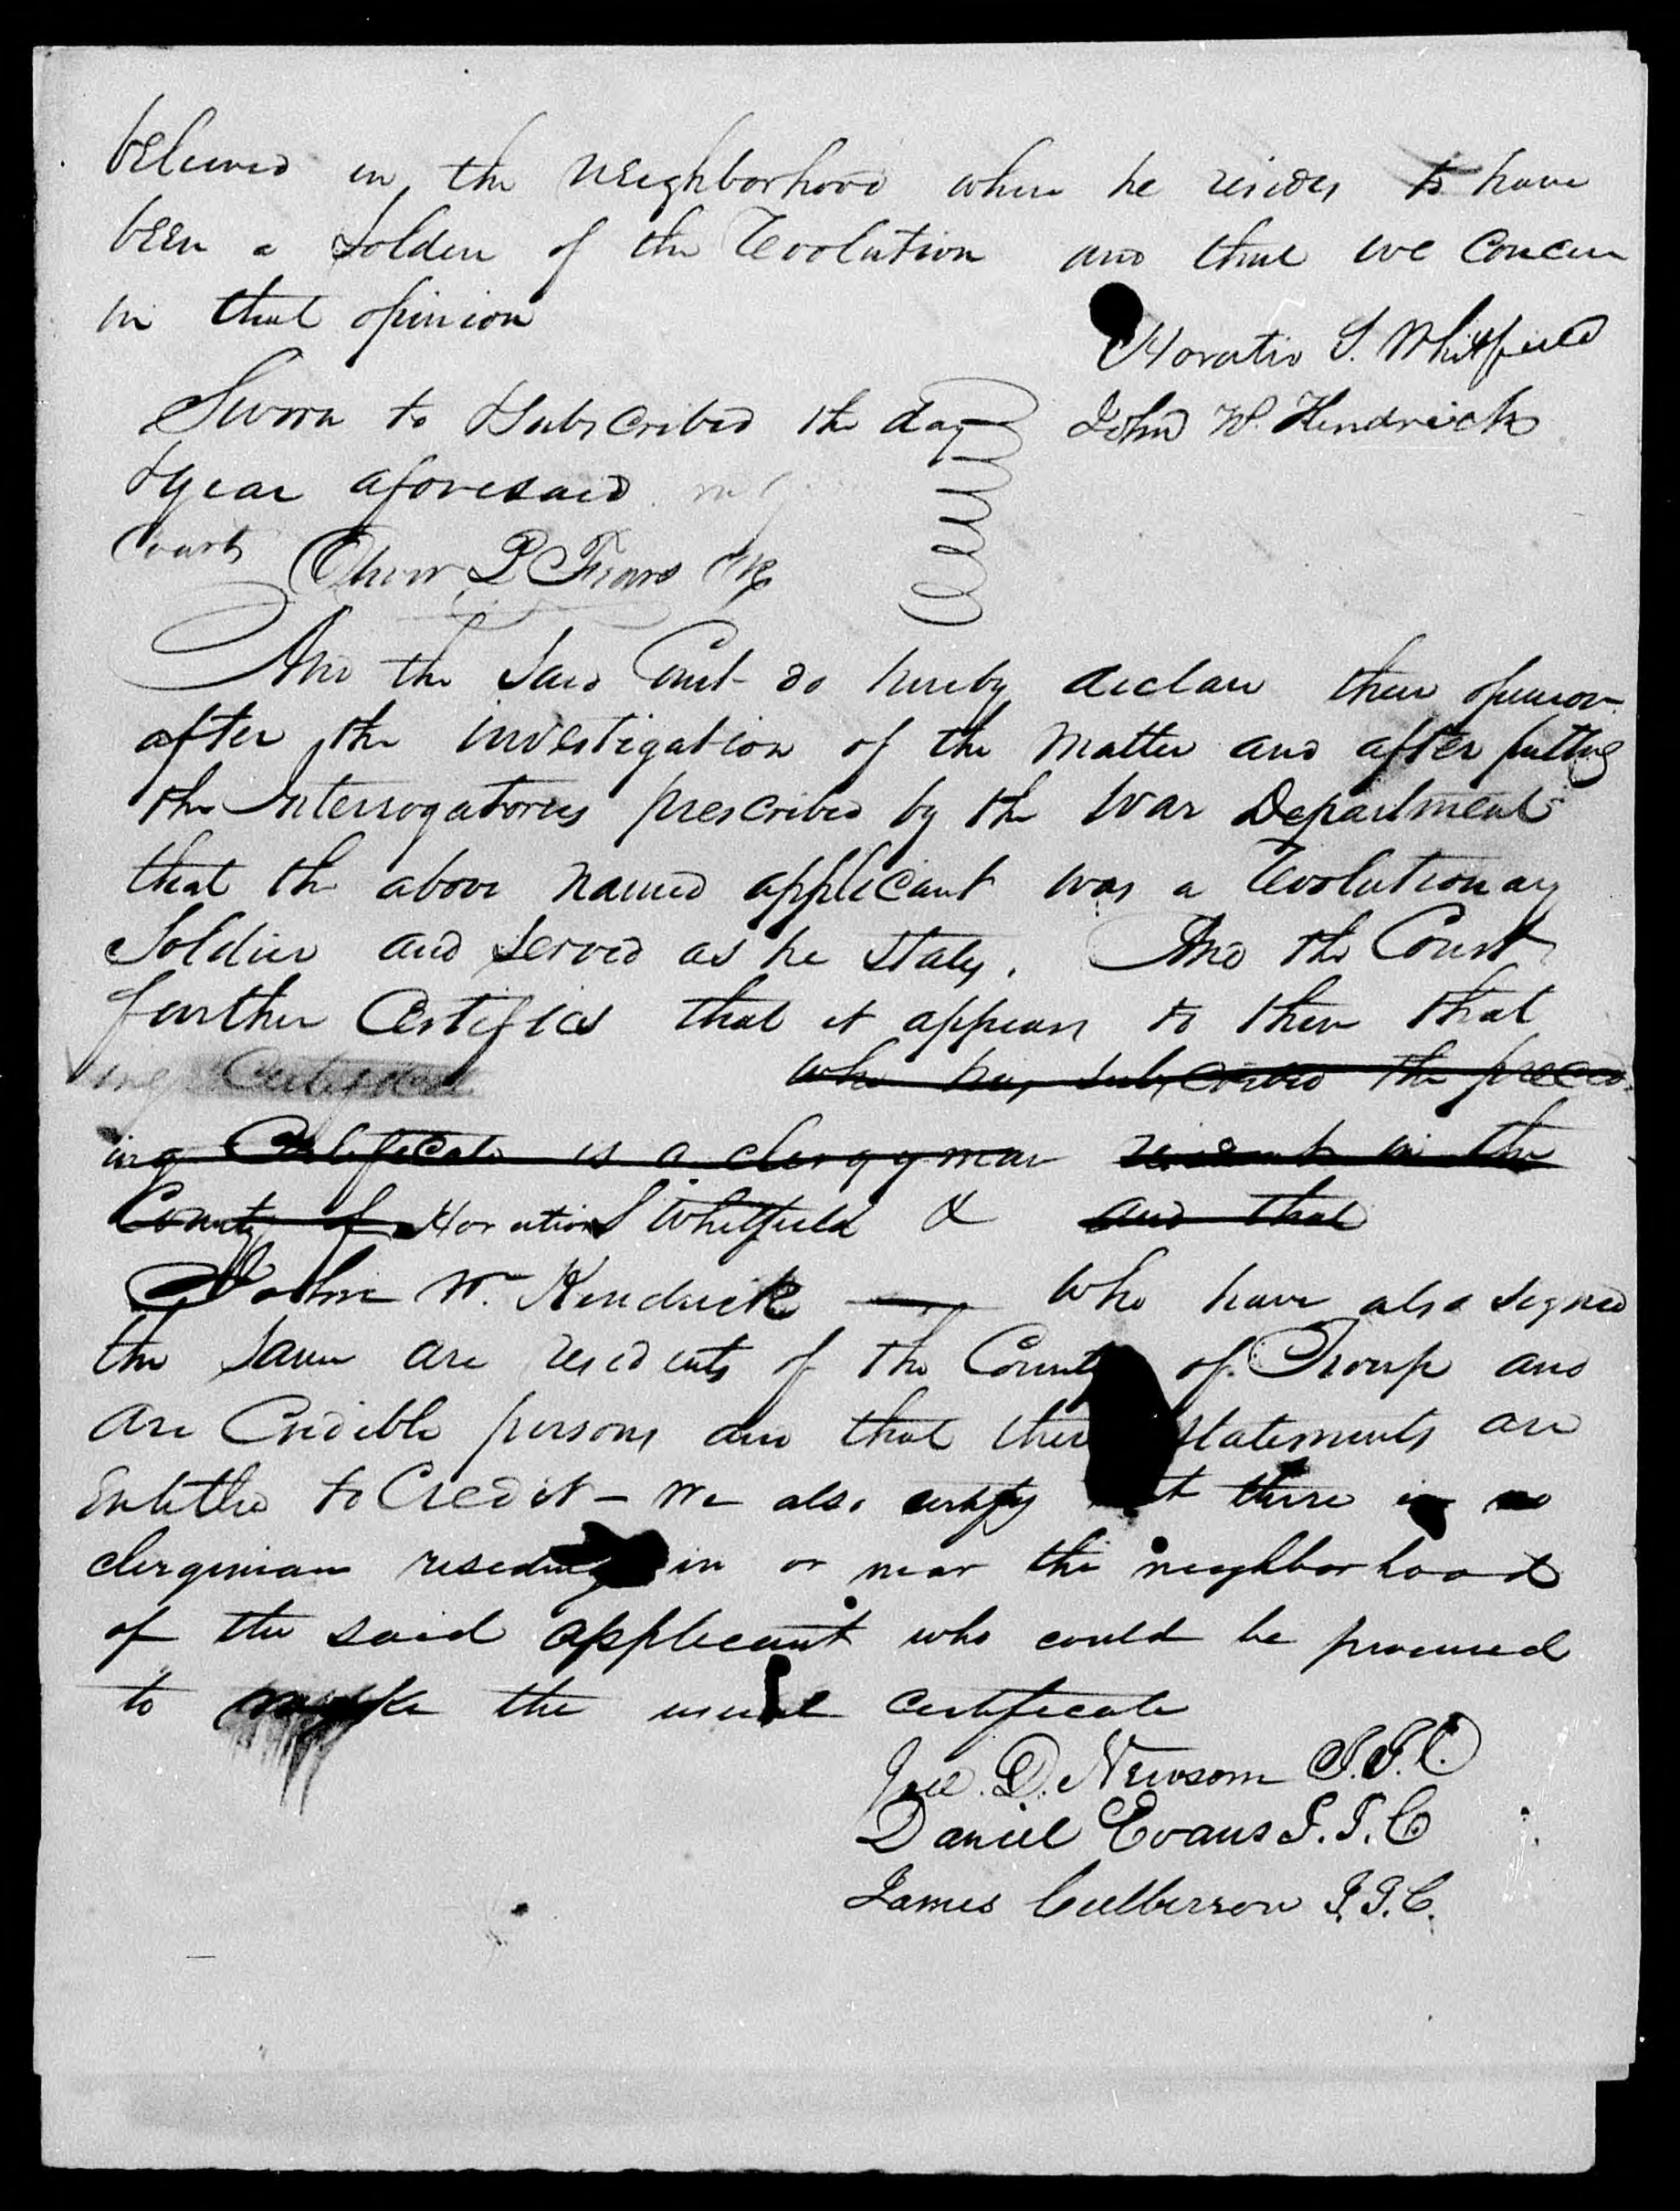believed in the neighborhood where he resides to have
been a Soldier of the Revolution and that we concur
in that opinion
Horatio S. Whitfield
John W. Kendrick

Sworn to & subscribed the day
& year aforesaid
courts  Oliver P Fears [illegible]

And the Said Court do hereby declare their opinion
after the investigation of the matter and after putting
the Interrogatories prescribed by the War Department
that the above named applicant was a Revolutionary
Soldier and served as he states.  And the Court 
further certifies that it appear to them that 
--------two lines illegibly crossed out------------
Horatio S. Whitfield and
John W. Kendrick who have also signed
the same are residents of the County of Troup and
are credible persons and that their statements are
[illegible] to credit - we also certify that there is no
clergiman residing in or near the neighborhood
of the said applicant who could be processed
to [illegible] the usual certificate

Joel D. Newsom J I C
Daniel Evans J I C
James Culberson J I C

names: Horatio S Whitfield, Oliver P Fears, Joel D Newsom, John W Kendrick, Daniel Evans, John W Kendrick, James Culberson, Horatio Whitfield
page: 7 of 23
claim: survivor's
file: S. 31,682, John Funderbuck, S.C.